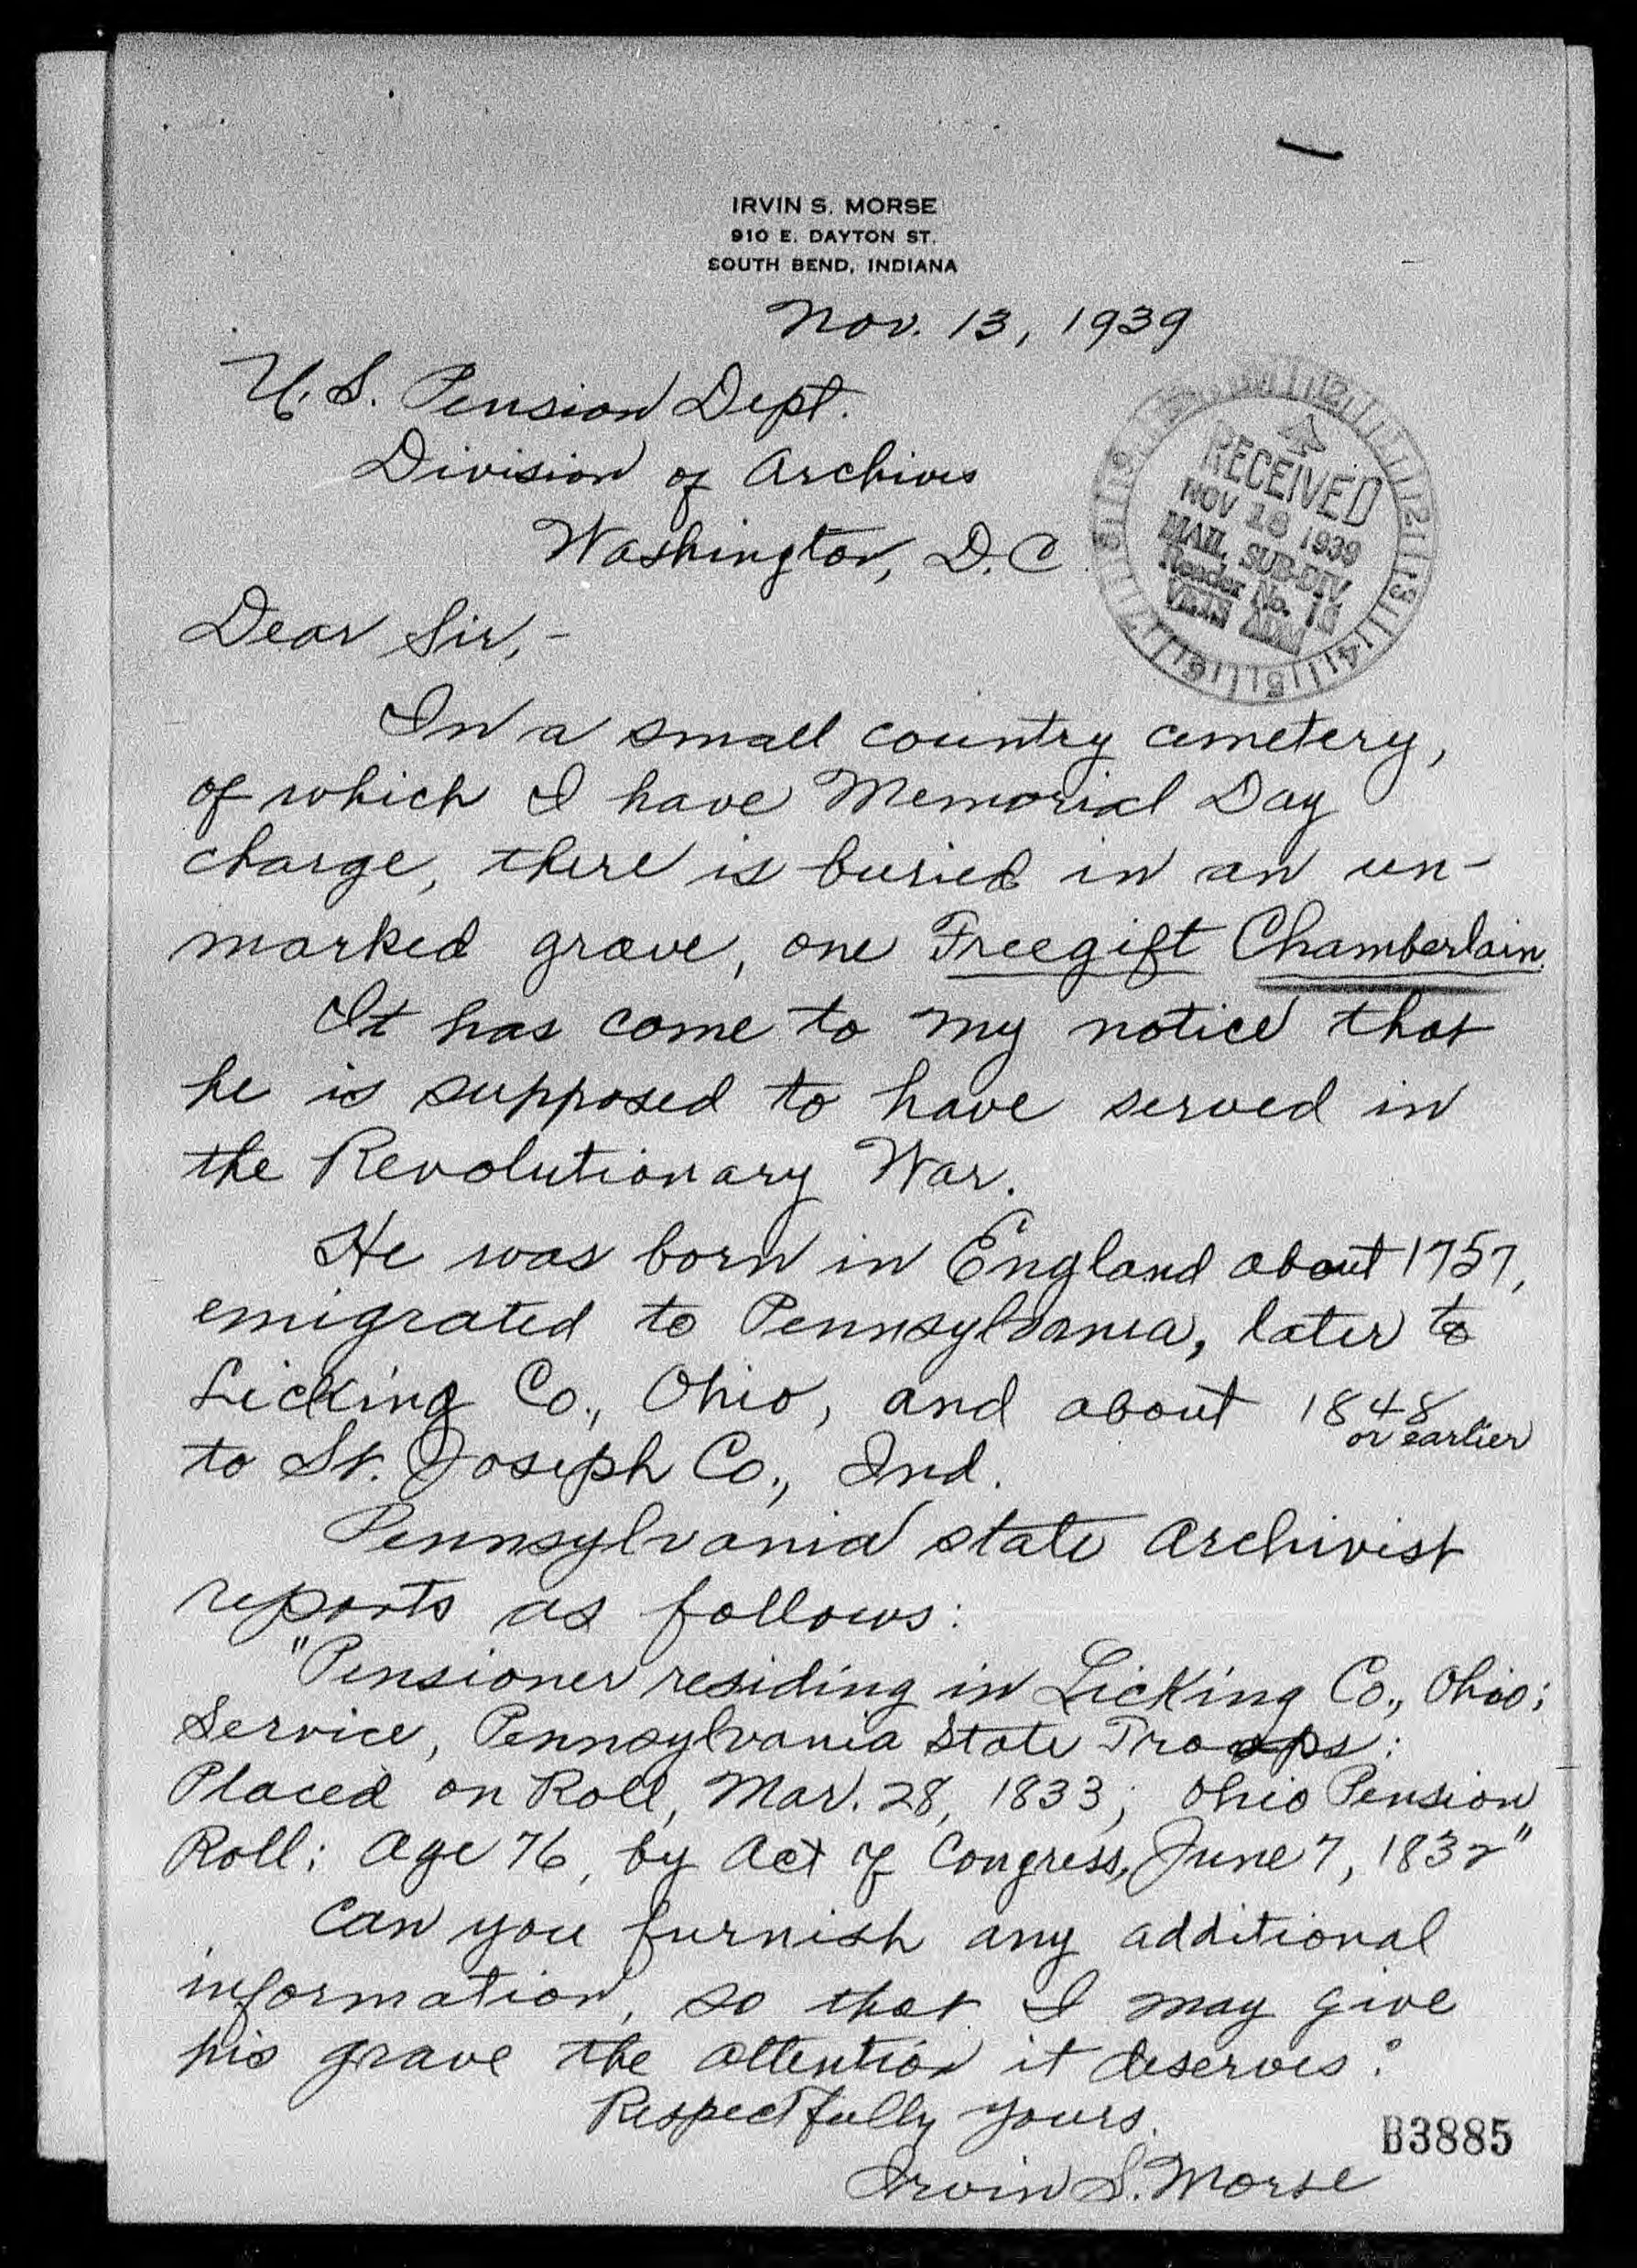IRVIN S MORSE 
910 E DAYTON ST. 
SOUTH BEND, INDIANA 
Nov. 13, 1939 
U.S. Pension Dept. 
Division of Archives 
Washington, D.C. 
RECEIVED NOV 18 1939 MAIL SUB-DIV Reader No. 18 VETS ADM
Dear Sir, 
In a small county Cemetery, of which I have Memorial Day charge, there is buried in an unmarked grove, one Freegift Chamberlain.  
It has come to my notice that he is supposed to have served in the Revolutionary War.  
He was born in England about 1757 emigrated to Pennsylvania, later to Licking Co. Ohio, and about 1848 or earlier to St. Joseph Co. Ind.  
Pennsylvania state Archivist reports as follows:    
“Pensioner residing in Licking Co. Ohio; Service, Pennsylvania State Troops; placed on Roll, Mar. 28, 1833; Ohio Pension Roll, age 76, by act of Congress, June 7, 1832 “  
Can you furnish any additional information so that I may give his grave the attention it deserves? Respectfully yours 
Irvin S. Morse 
B3885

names: Irvin S Morse, Freegift Chamberlain, Irvin S Morse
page: 14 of 18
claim: survivor's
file: S. 3151, Freegift Chamberlain, Penn.